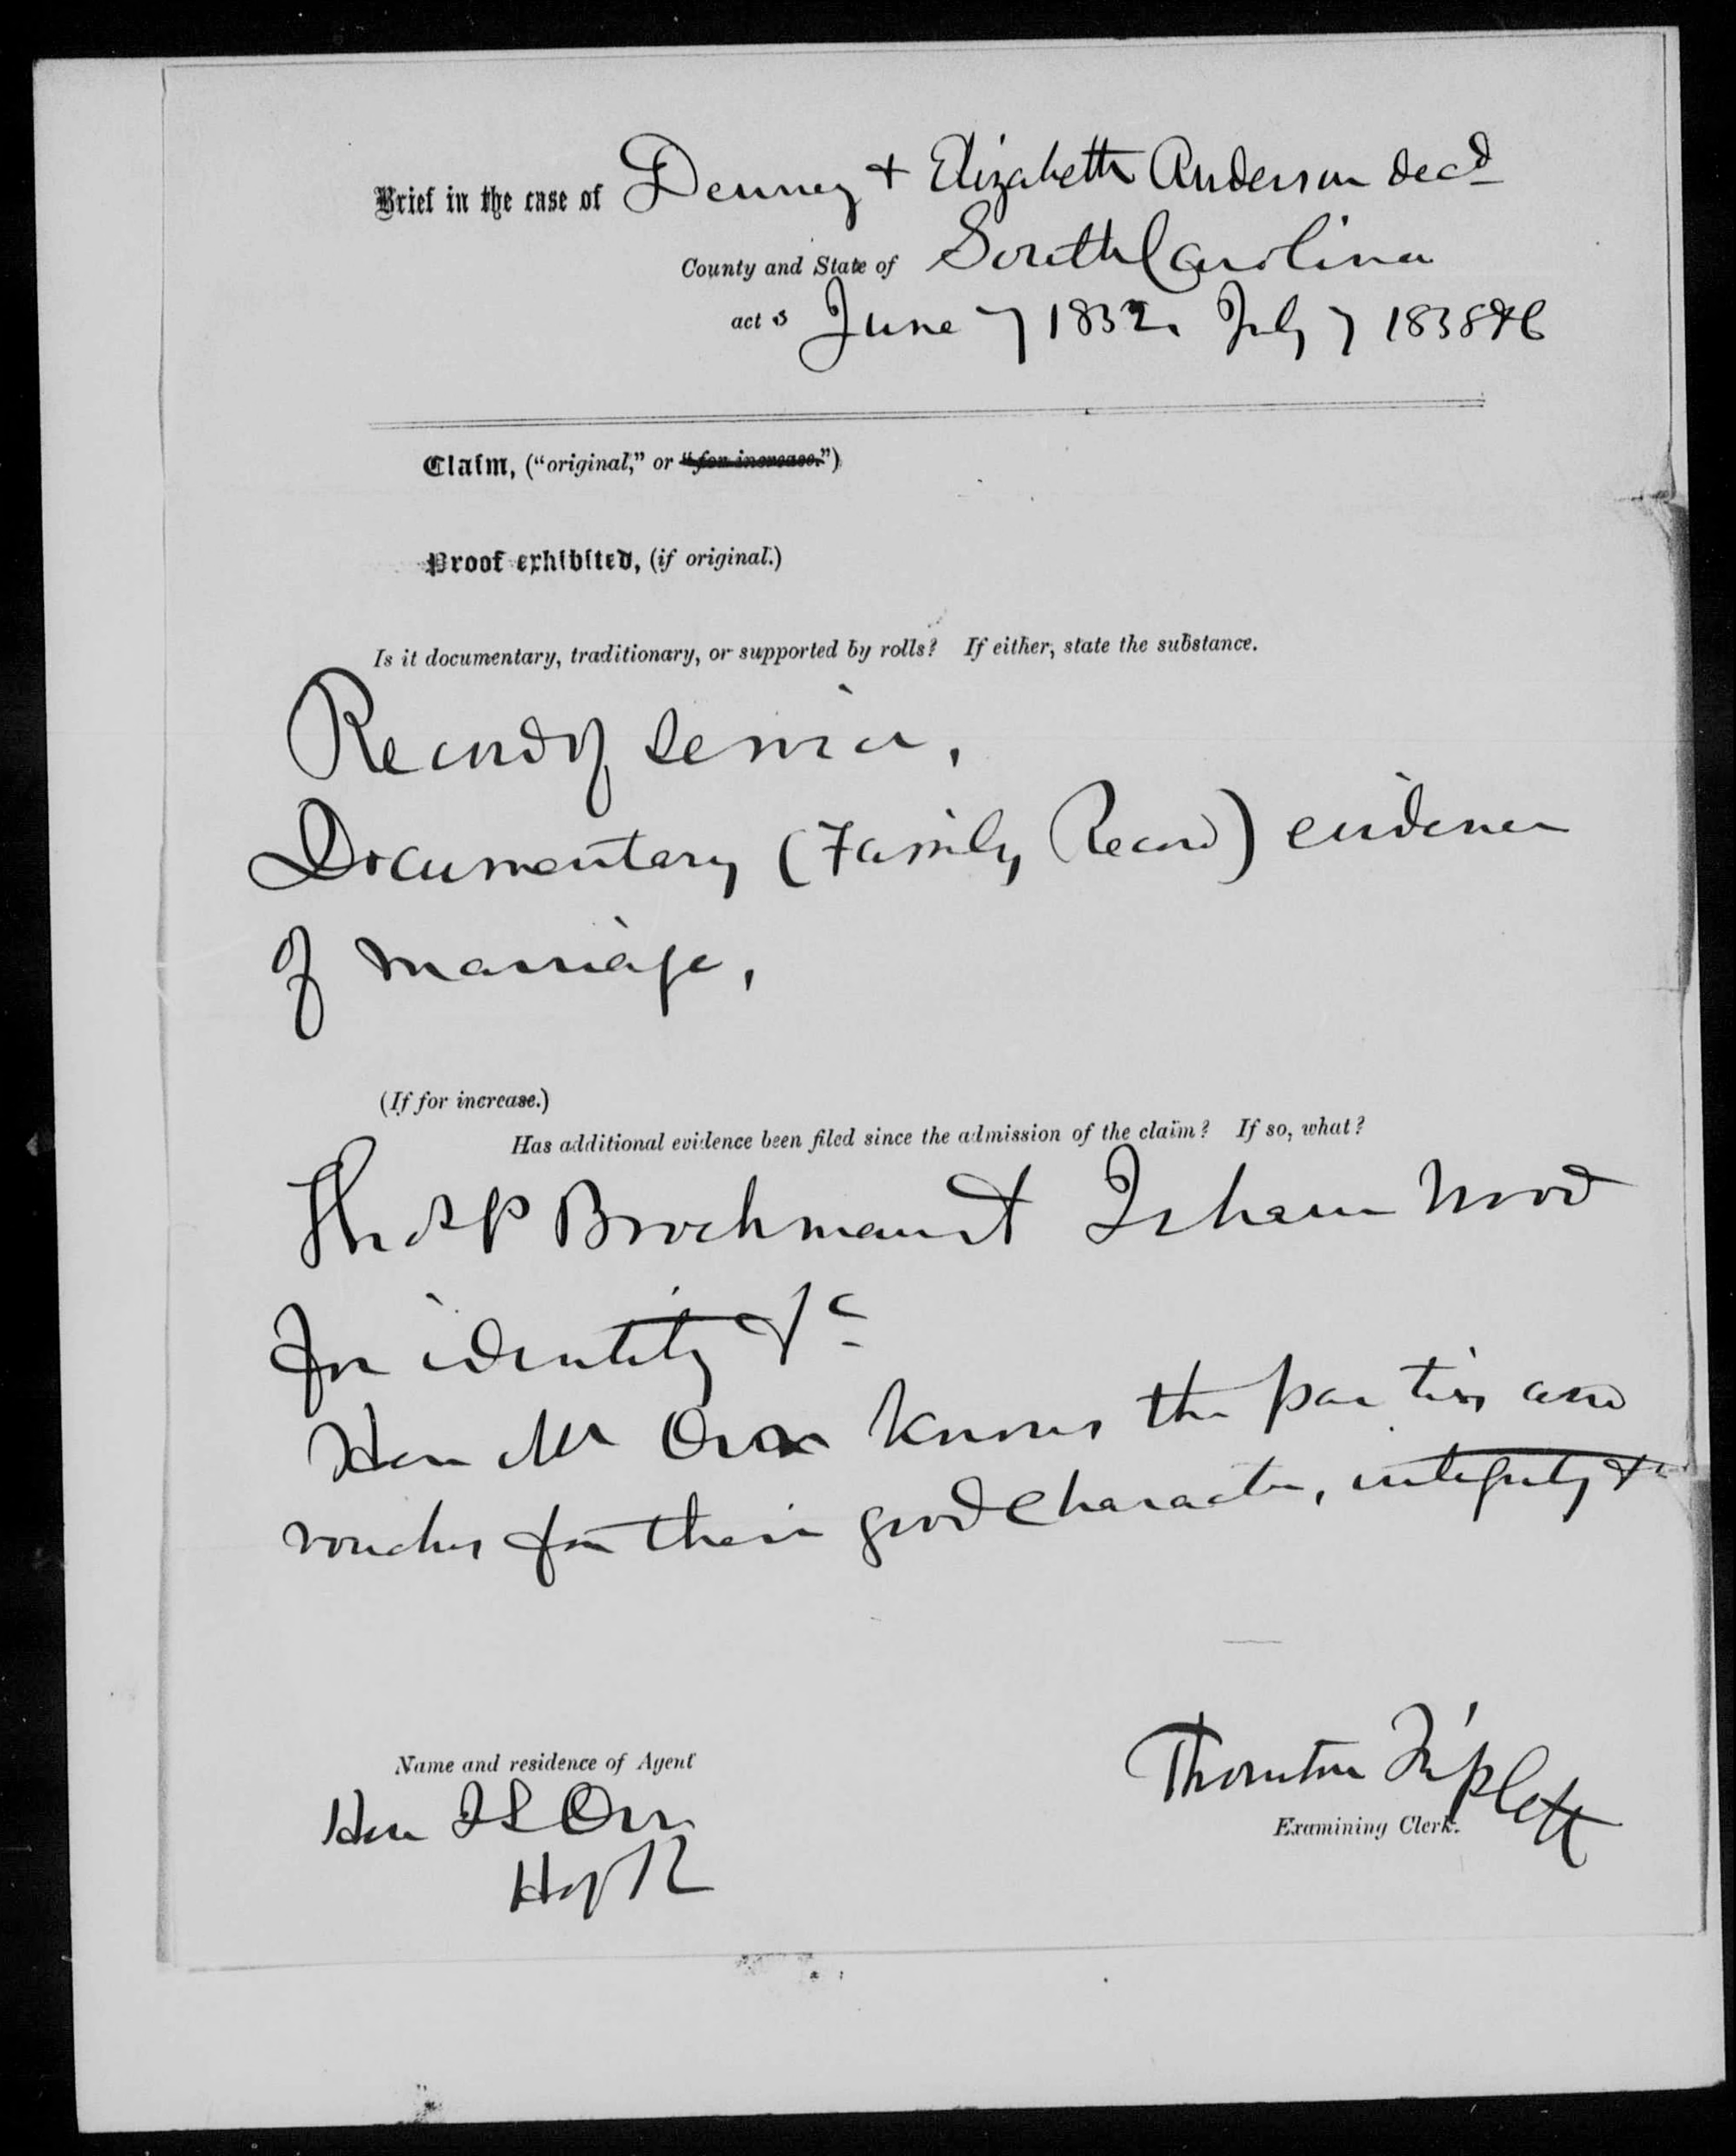Brief in the case of Denney & Elizabeth Anderson decd.
County and State of South Carolina
acts June 7 1832 July 7 1838 &c
---
Claim, ("Original,")
Proof exhibited, (if original.)
Is it documentary, traditionary, or supported by rolls? If either, state the substance.
Record of service, Documentary (Family Record) evidence of marriage,
(If for increase.)
Has additional evidence been filed since the admission of the claim? If so, what?
Thos P Brockman & Isham Wood for identity &c
Hon Mr Orr knows the parties and vouches for their good character, integrity &c 

Name and residence of Agent
Hon J L Orr 
H of R

Thornton Triplett
Examining Clerk.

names: Elizabeth Anderson, Thornton Triplett, J L Orr, Thos P Brochman, Isham Wood, Denney Anderson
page: 43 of 51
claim: widow's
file: W. 9700, Denney Anderson, S.C.